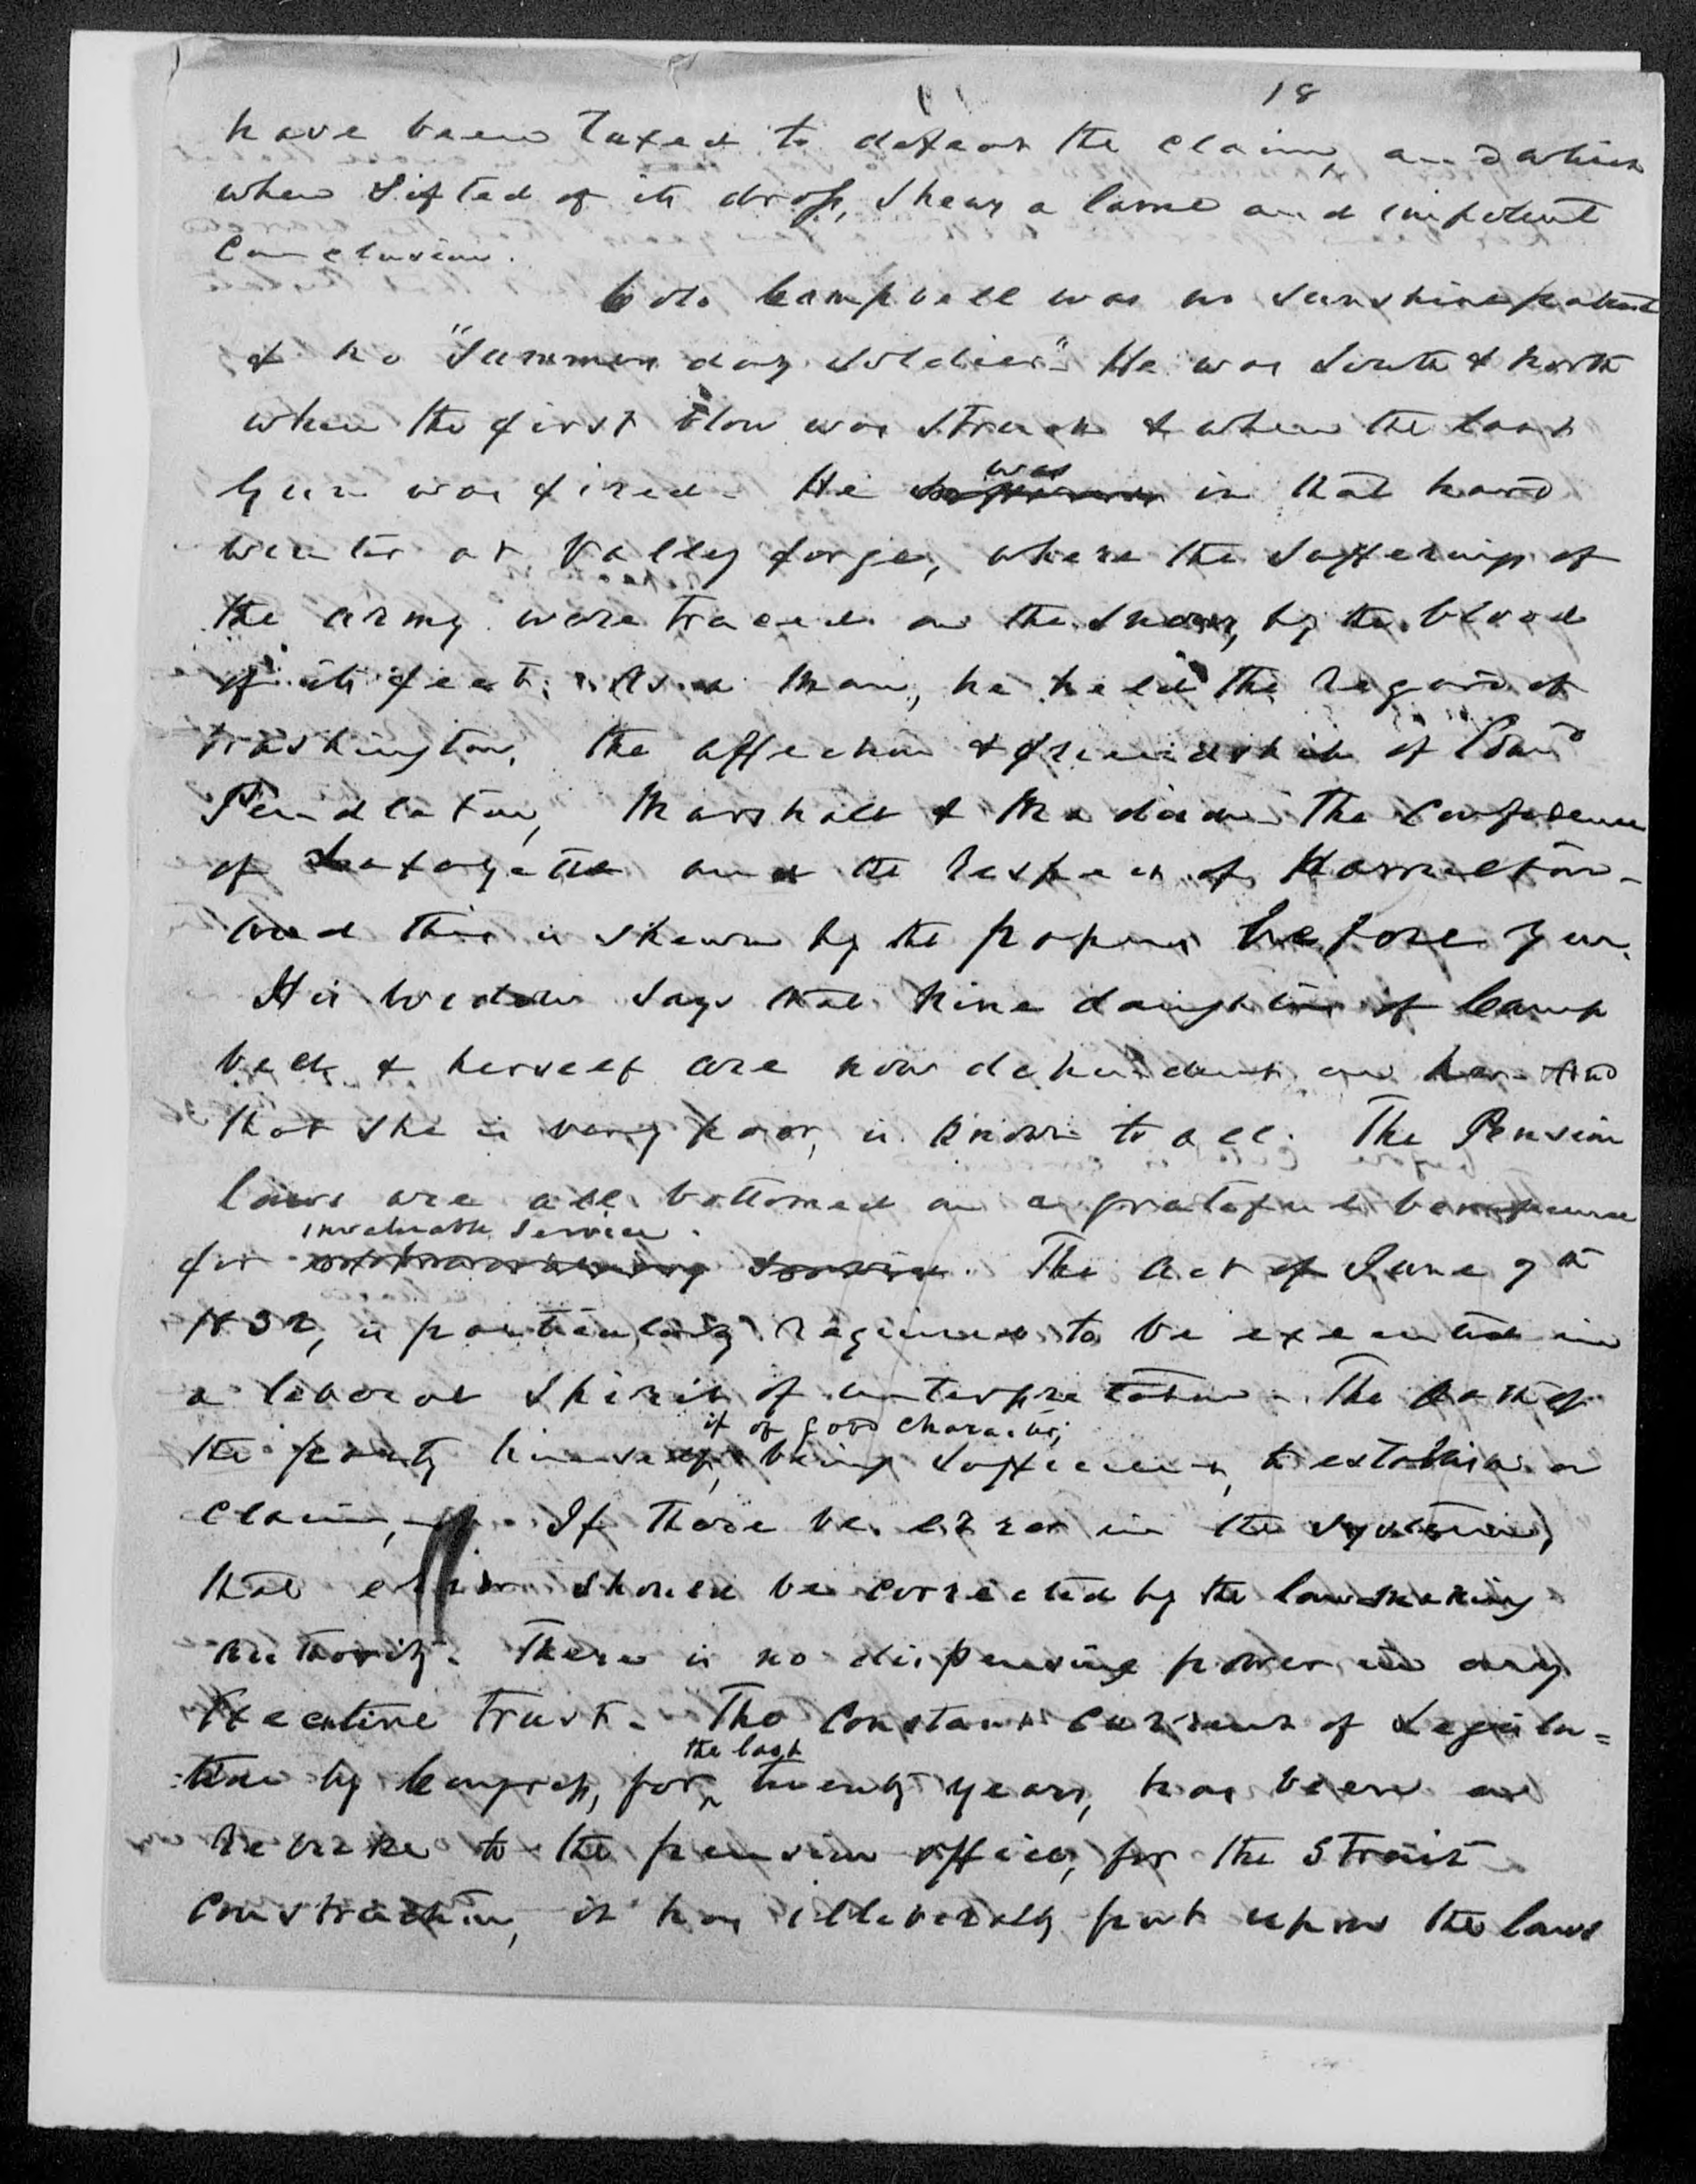have been taxed to defeat the claim and which when sifted of its dross, shews a lame and impotent conclusion.
Colo. Campbell was not sunshine patriot & no "Summer day soldier."  He was South and North when the first blow was struck & when the last gun was fired.  He was in that hard winter at Valley forge, where the sufferings of the army were traced on the snow by the blood of its feet; a [?] man, he held the regard of Washington. The affection & friendship of Edw'd Pendleton, Marshall & Madison, The confidence of Lafayette and the respect of Hamilton--and this is shewn by the papers before you.
His widow says that nine daughters of Campbell and herself are now dependent on her. And that she is very poor is known to all.  The Pension laws are all bottomed on a grateful [?] for invaluable service. The Act of June 7th 1832 is particularly required to be executed in a liberal spirit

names: Lafayette, Campbell, Campbell, Hamilton, Marshall, Madison, Pendleton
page: 240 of 267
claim: widow's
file: W. 4,149, William Campbell, Va.